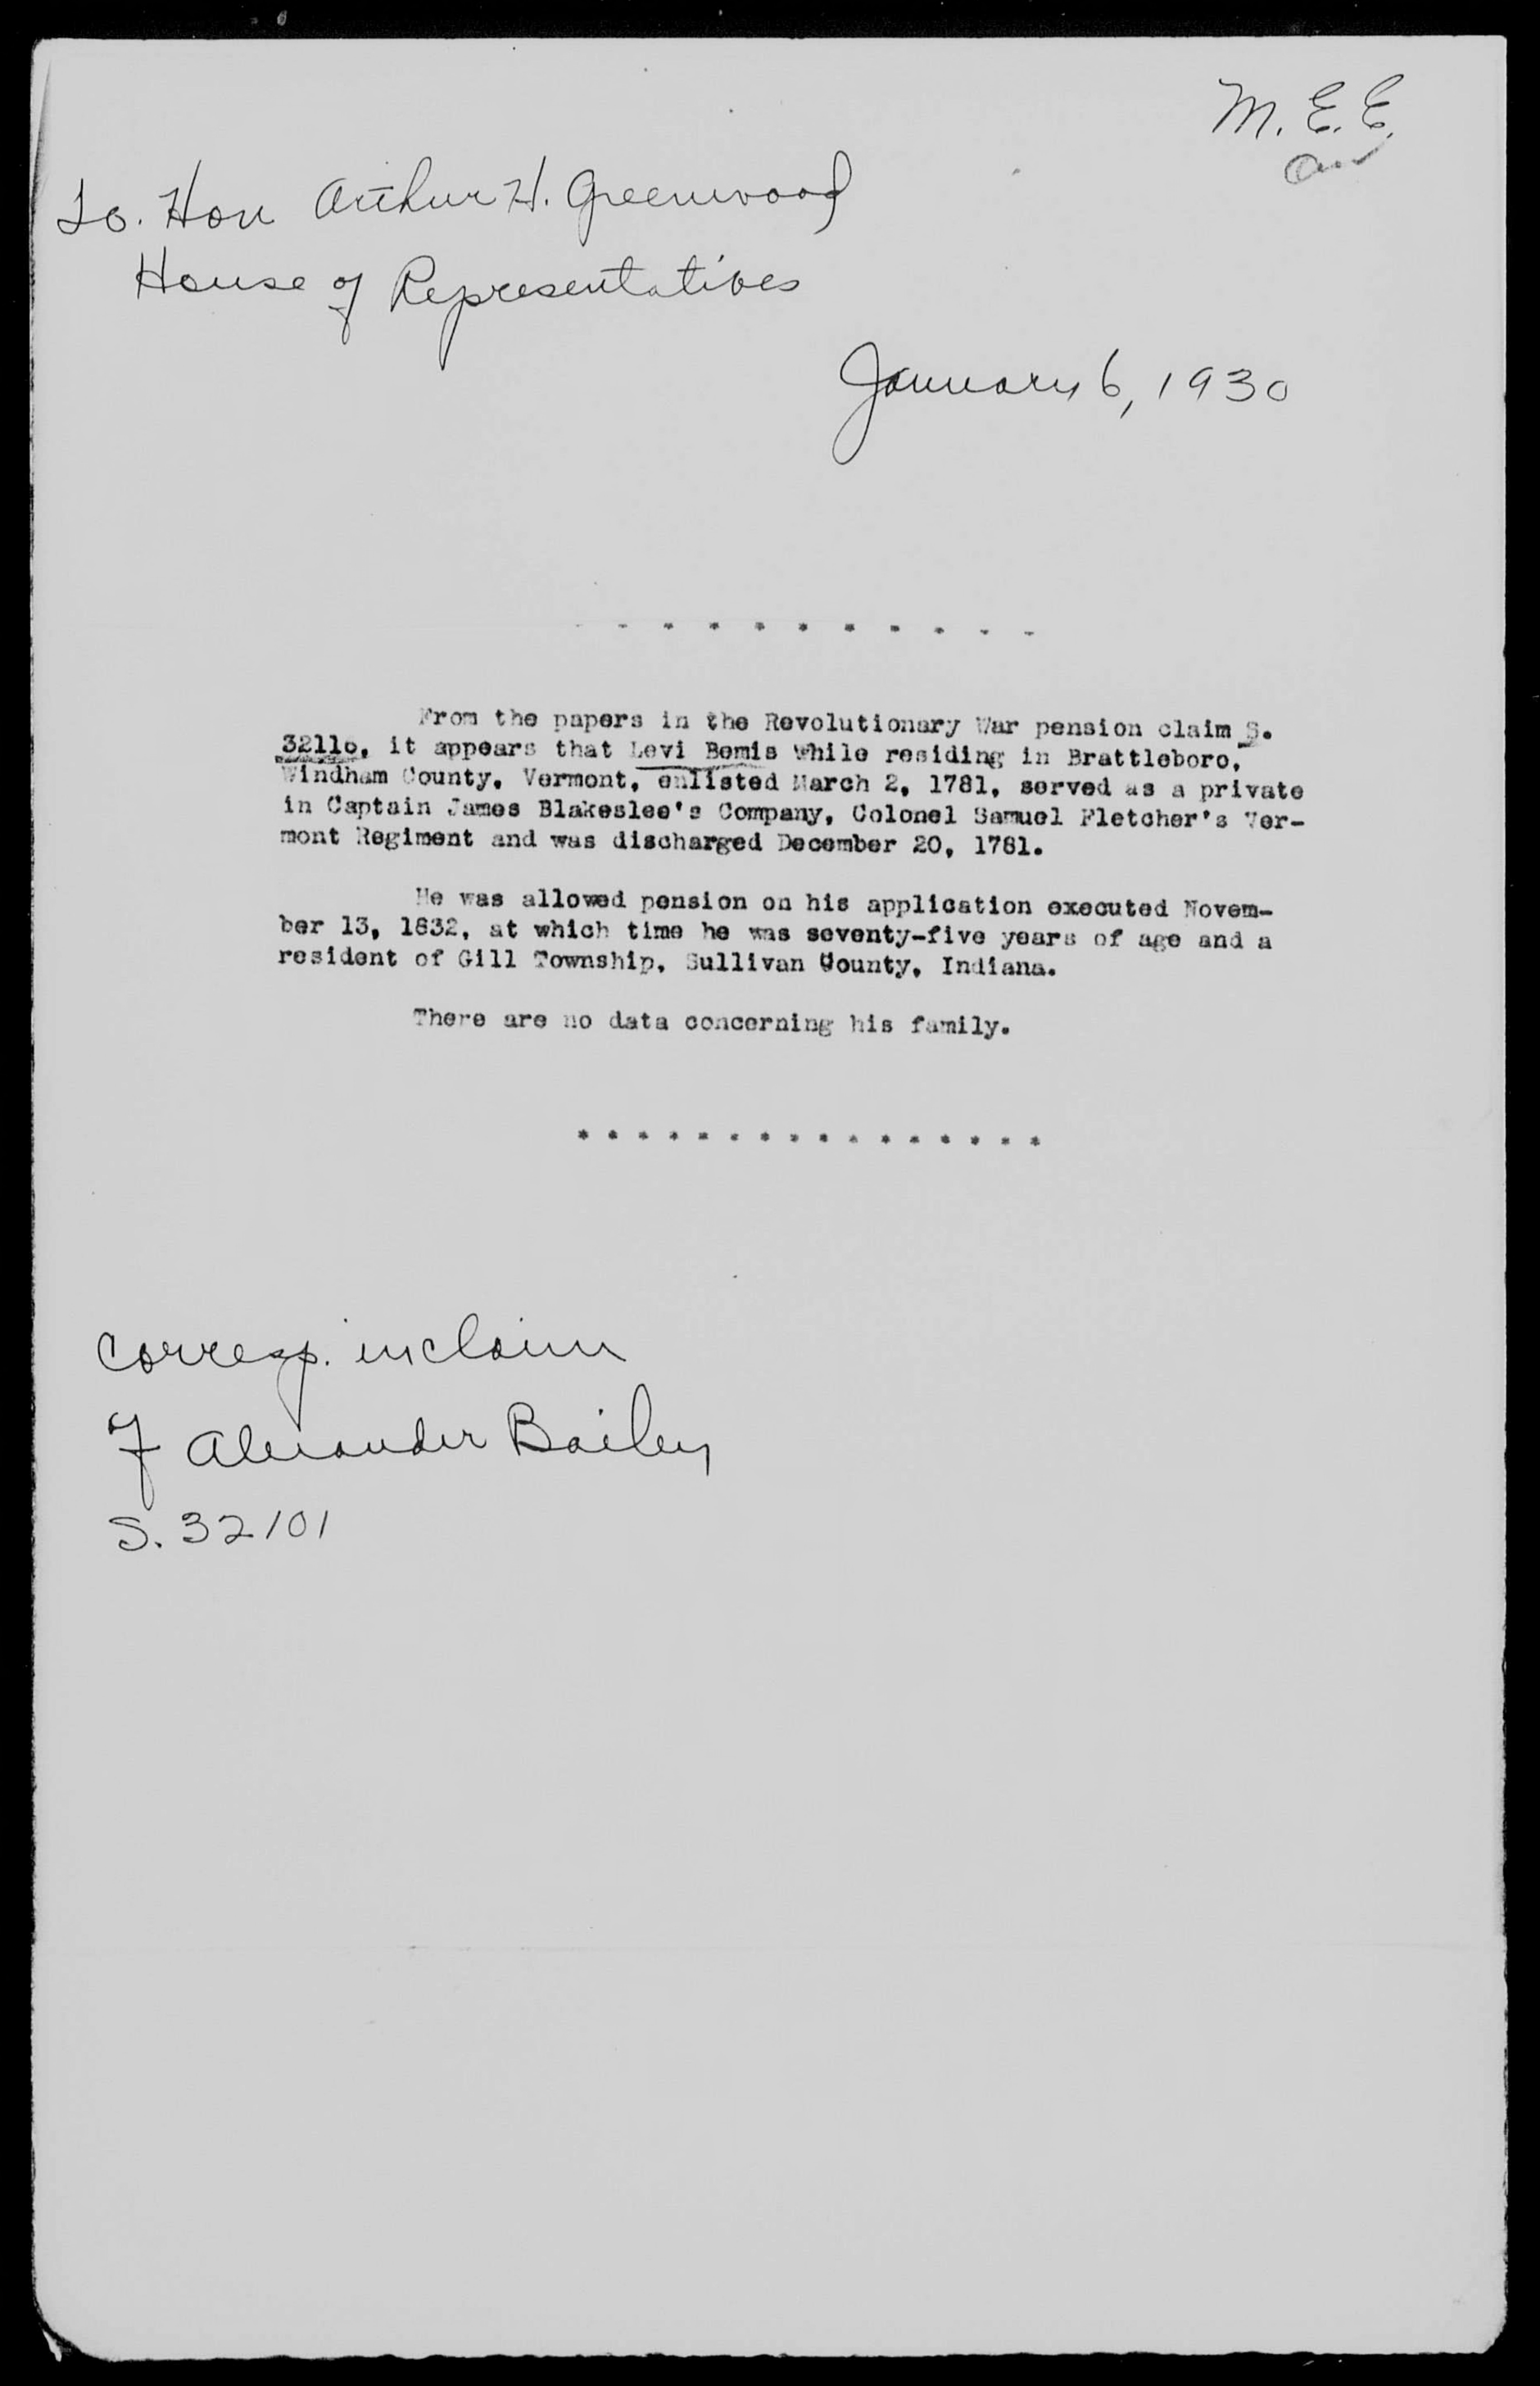[top right corner handwritten ]
M.E.E.
[illegible]

[top left corner handwritten]
To. Hon Arthur H. Greenwood
House of Representatives 


January 6, 1930 [handwritten]

[typed]
* * * * * * * * * *
From the papers in the Revolutionary War pension claim S. 32116 [claim number underlined], it appears that Levi Bemis [name underlined] while residing in Bratteboro, Windham County, Vermont, enlisted March 2, 1781, served as a private in Captain James Blakeslee's Company, Colonel Samuel Fletcher's Vermont Regiment and was discharged December 20, 1781.

He was allowed pension on his application executed November 13, 1832, at which time he was seventy-five years of age and a resident of Gill Township, Sullivan County, Indiana.

There are no data concerning his family.
* * * * * * *  *  * * [/typed]


[handwritten near bottom]
corresp. in claim
of Alexander Bailey
S.32101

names: Arthur H Greenwood, Alexander Bailey, Levi Bemis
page: 6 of 14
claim: survivor's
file: S. 32116, Levi Bemis, Vt.